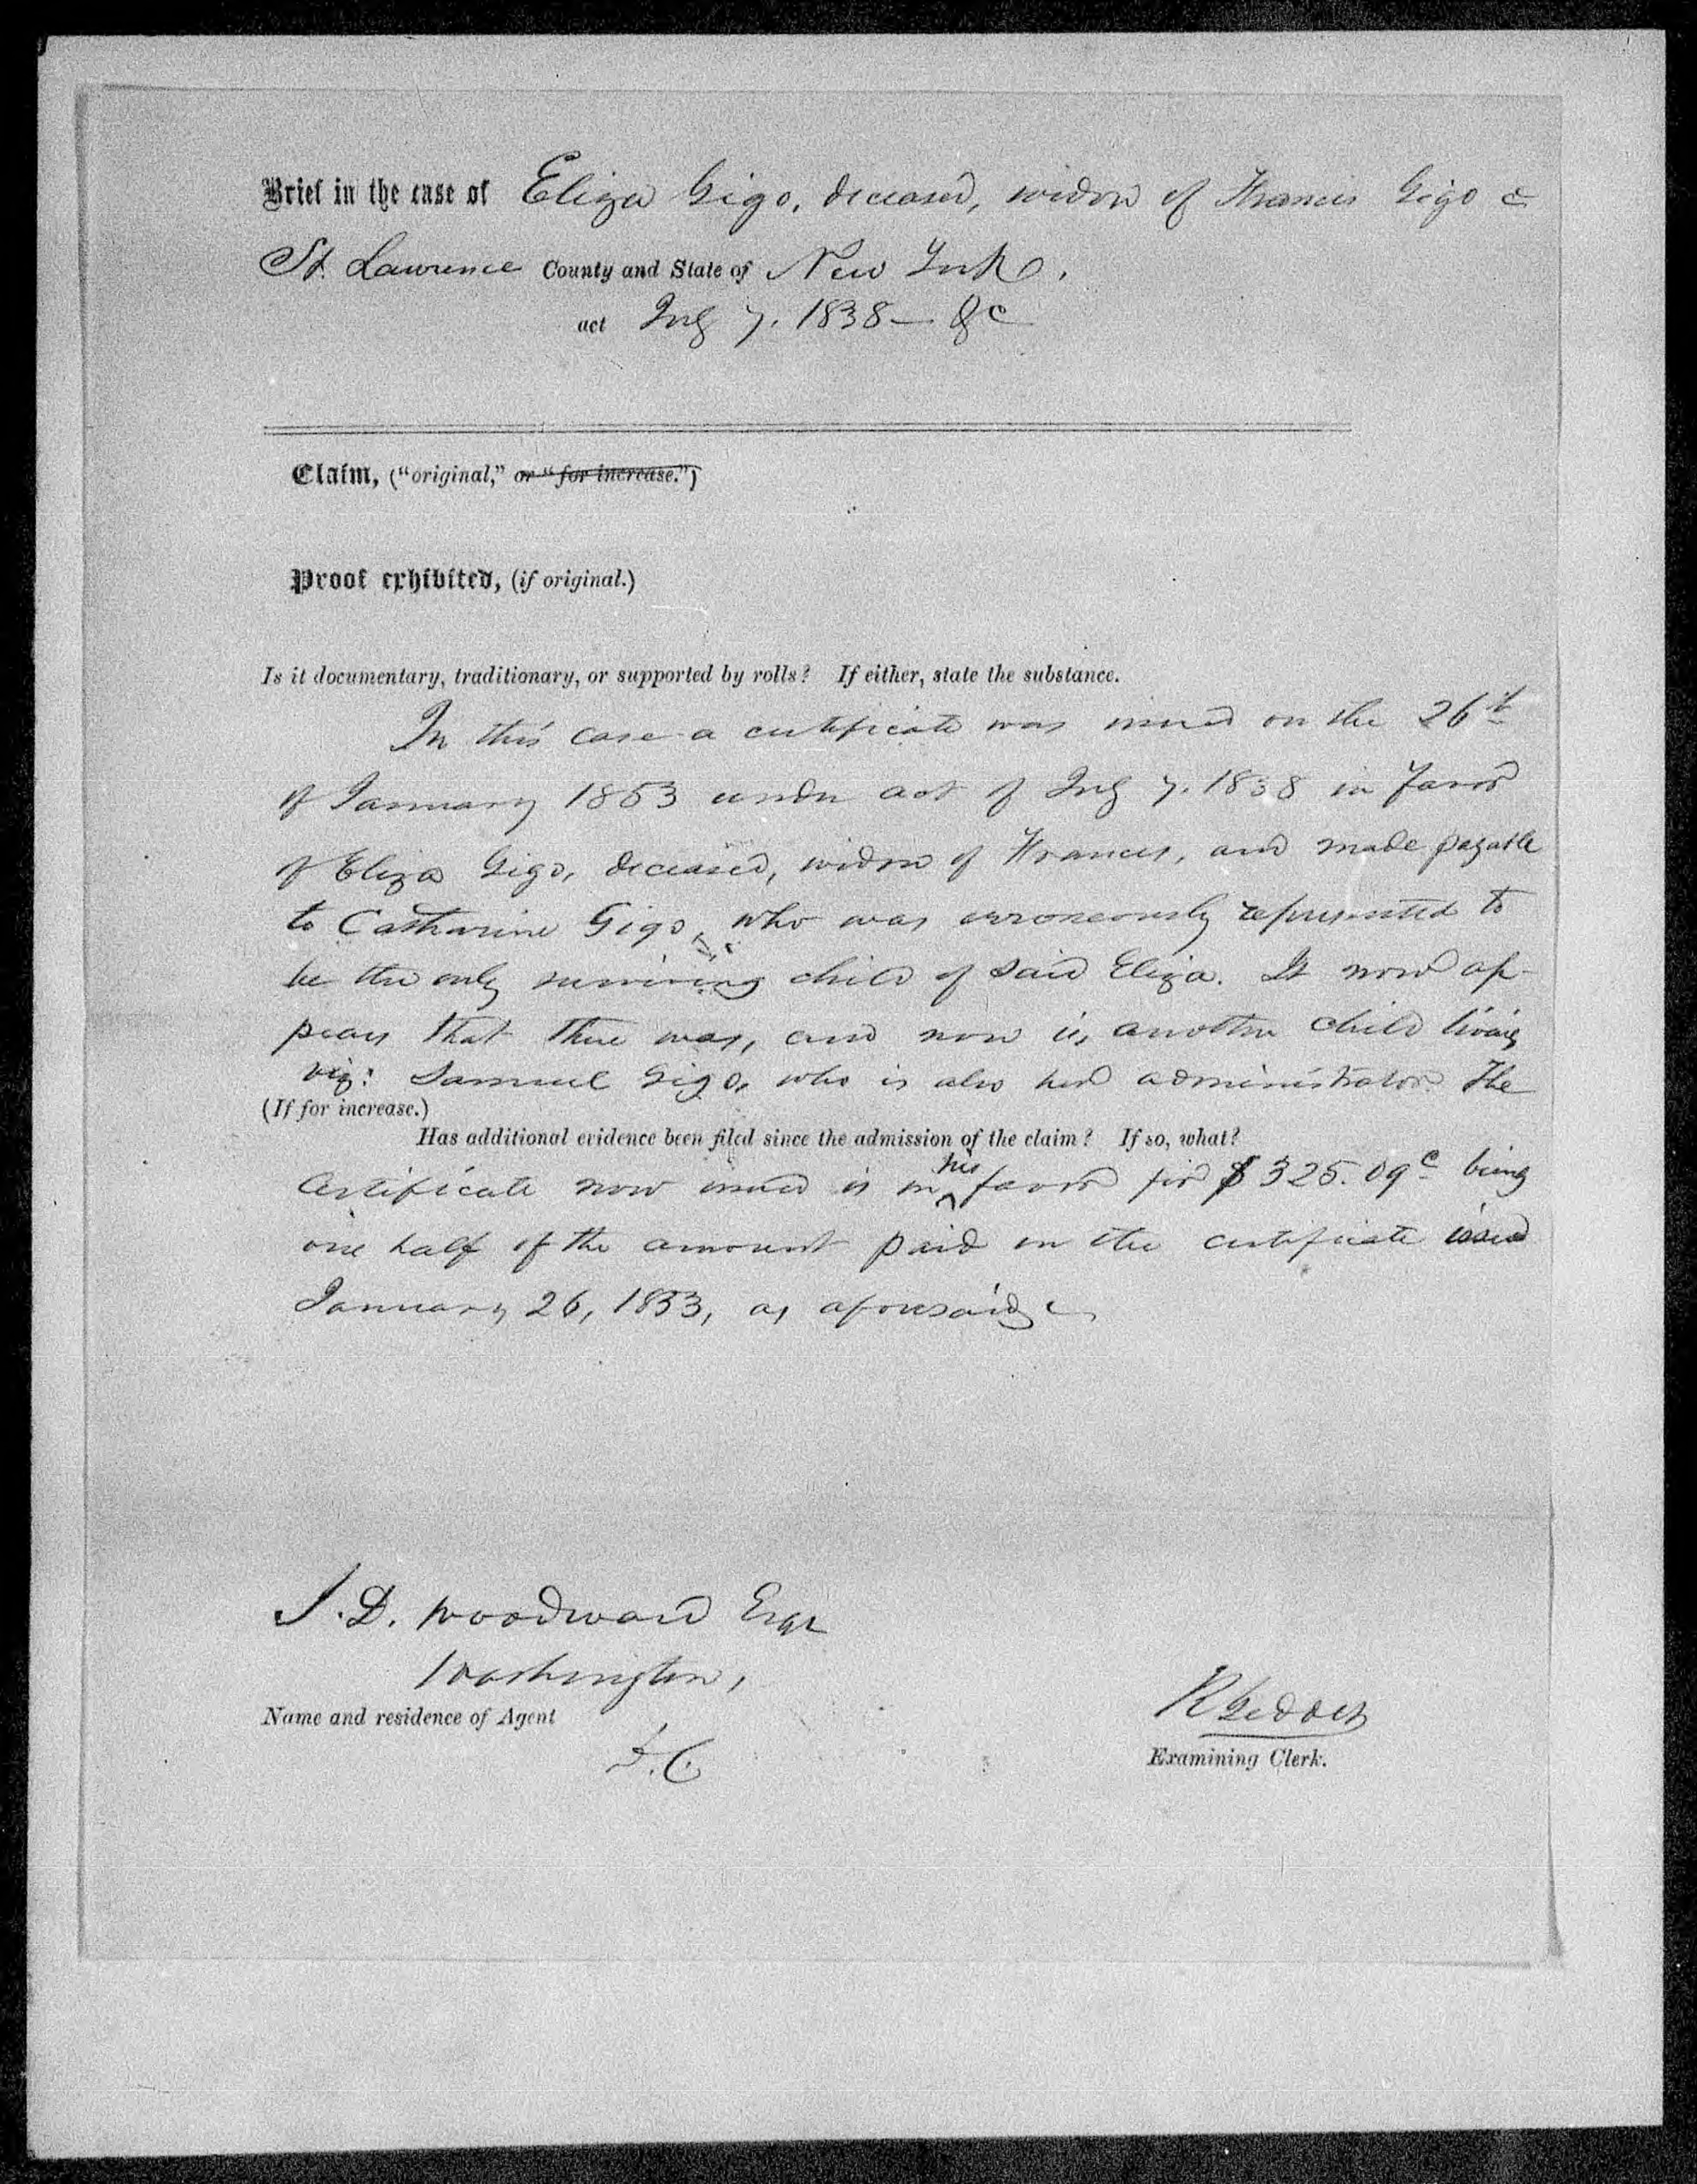Brief in the case of Eliza Gigo, deceased, widow of Francis Gigo of St. Lawrence County and state of New York.
[illegible] 7, 1838- oc

Claim: Original
Proof exhibited, (if original):
Is it documentary, traditionary or supported by rolls?  If either, state the substance.

In this case a certficate was not issued on the 26th of January 1853 under Act of July 7, 1838 in favor of Eliza Gigo, deceased, widow of Francis and made payable to Catharine Gigo, who was erroneously represented to be the only surviving child of said Eliza.  Is now appears that there was and now is, another child living viz. Samuel Gigo, who is also her administrator.  The certificate now issued is in his favor for $325.09 being one half of the amount paid on the certificate issued January 26, 1833, as aforesaid.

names: Eliza Gigo, R Geddes, Samuel Gigo, Eliza Gigo, Eliza, Catharine Gigo, Francis Gigo, J D Woodward, Francis Gigo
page: 91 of 98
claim: widow's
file: W. 21182, Francis Gigo, Continental (Canadian)